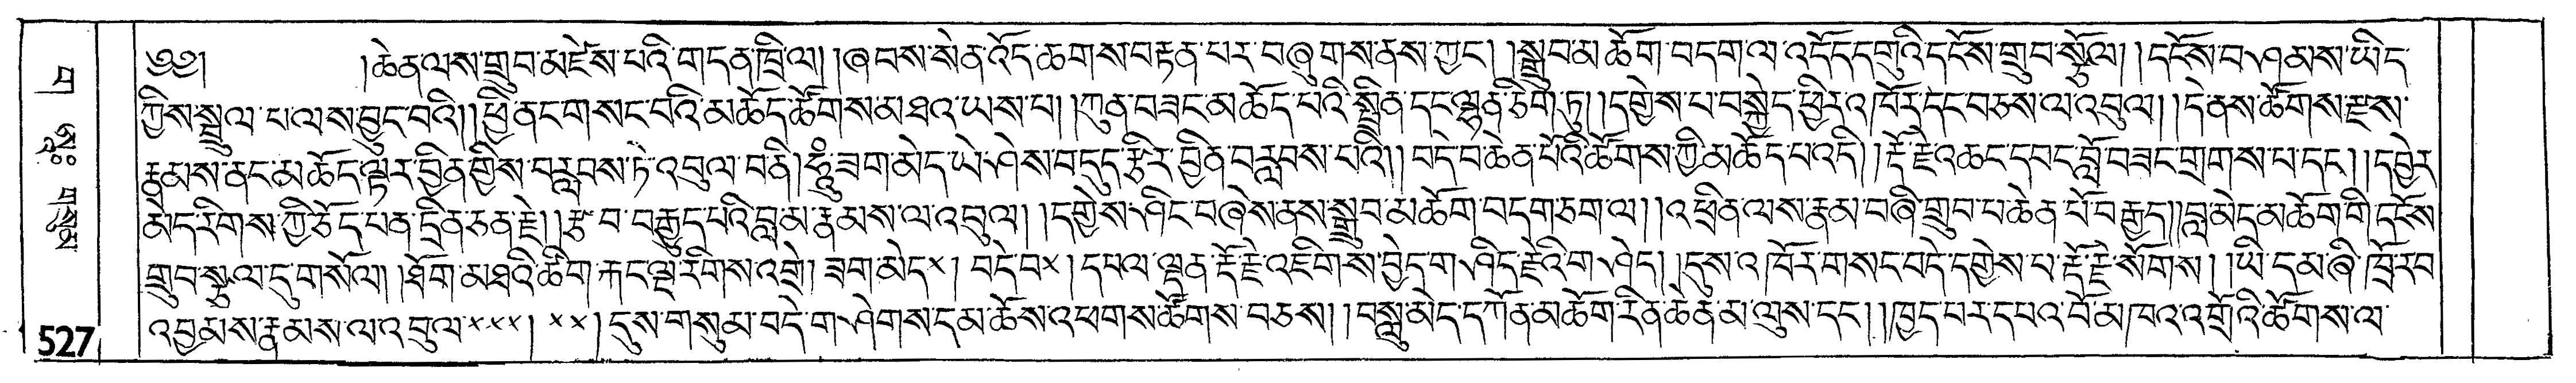༄༅། །ཆེན་ལས་གྲུབ་མཛེས་པའི་གདན་ཁྲི་ལ། །ཞབས་སེན་འོད་ཆགས་བརྟན་པར་བཞུགས་ནས་ཀྱང་། །སྒྲུབ་མཆོག་བདག་ལ་འདོད་དགུའི་དངོས་གྲུབ་སྩོལ། །དངོས་བཤམས་ཡིད་
ཀྱིས་སྤྲུལ་པ་ལས་བྱུང་བའི། །ཕྱི་ནང་གསང་བའི་མཆོད་ཚོགས་མཐའ་ཡས་པ། །ཀུན་བཟང་མཆོད་པའི་སྤྲིན་དང་ལྷན་ཅིག་ཏུ། །དགྱེས་པ་བསྐྱེད་ཕྱིར་འཁོར་དང་བཅས་ལ་འབུལ། །དེ་ནས་ཚོགས་རྫས་
རྣམས་ནང་མཆོད་ལྟར་བྱིན་གྱིས་བརླབས་ཏེ་འབུལ་བ་ནི། ཧཱུཾ་ཟག་མེད་ཡེ་ཤེས་བདུད་རྩིར་བྱིན་བརླབས་པའི། །བདེ་བ་ཆེན་པོའི་ཚོགས་ཀྱི་མཆོད་པ་འདི། །རྡོ་རྗེ་འཆང་དབང་བློ་བཟང་གྲགས་པ་དང་། །དབྱེར་
མེད་རིགས་ཀྱི་ཅོད་པན་དྲིན་ཅན་རྗེ། །རྩ་བ་བརྒྱུད་པའི་བླ་མ་རྣམས་ལ་འབུལ། །དགྱེས་ཤིང་བཞེས་ནས་སྒྲུབ་མཆོག་བདག་ཅག་ལ། །འཕྲིན་ལས་རྣམ་བཞི་གྲུབ་པ་ཆེན་པོ་བརྒྱད། །བླ་མེད་མཆོག་གི་དངོས་
གྲུབ་སྩལ་དུ་གསོལ། །ཐོག་མཐའི་ཚིག་རྐང་ལྔ་རིགས་འགྲེ། ཟག་མེད་྾། བདེ་བ་྾། དཔལ་ལྡན་རྡོ་རྗེ་འཇིགས་བྱེད་གཤིད་རྗེའི་གཤེད། །དུས་འཁོར་གསང་བདེ་དགྱེས་པ་རྡོ་རྗེ་སོགས། །ཡི་དམ་ཞི་ཁྲོ་རབ་འབྱམས་རྣམས་ལ་འབུལ་྾྾྾། ྾྾། དུས་གསུམ་བདེ་གཤེགས་དམ་ཆོས་འཕགས་ཚོགས་བཅས། །བསླུ་མེད་དཀོན་མཆོག་རིན་ཆེན་མ་ལུས་དང་། །ཁྱད་པར་དཔའ་བོ་མཁའ་འགྲོའི་ཚོགས་ལ་